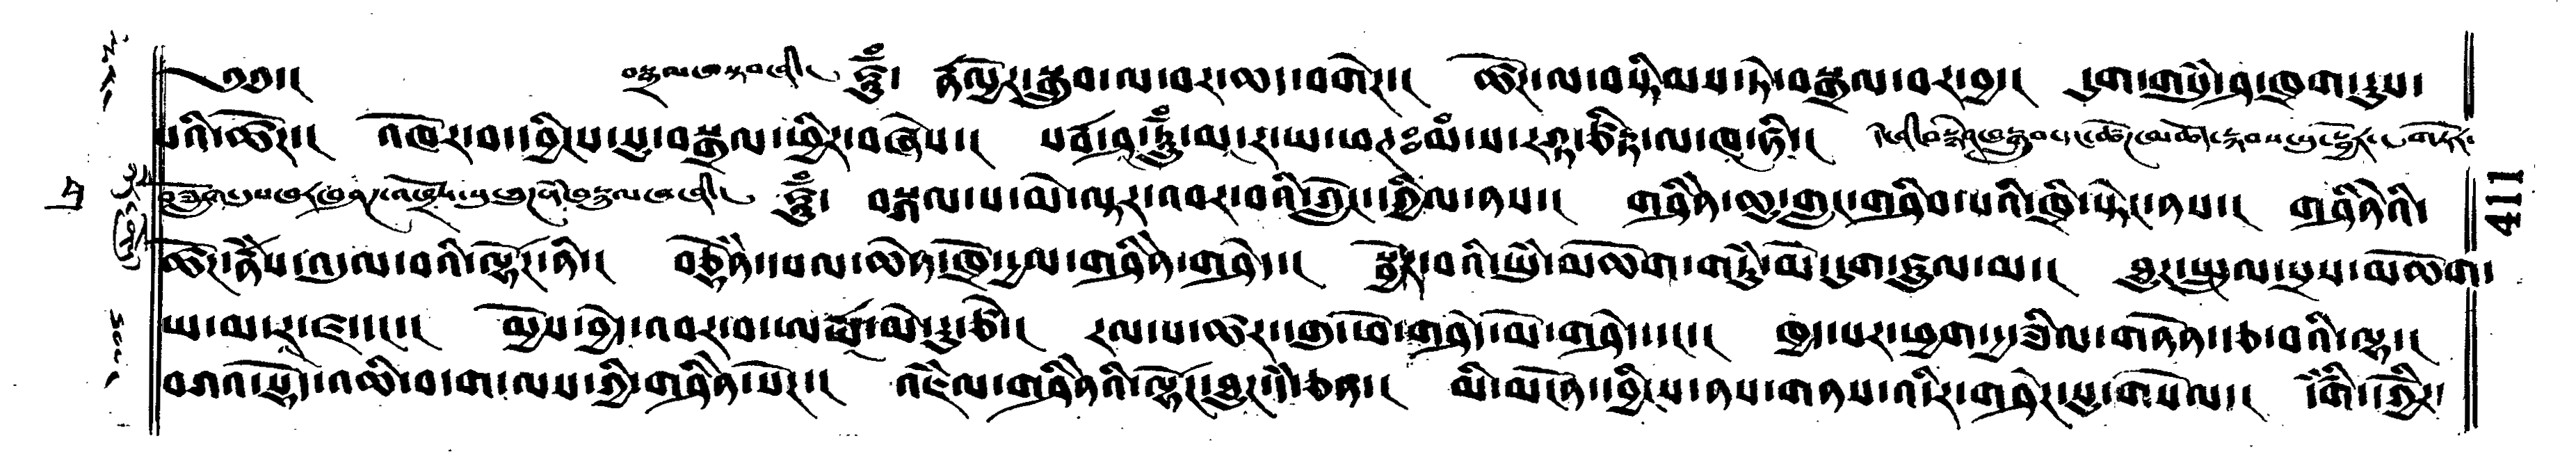བསྒྲལ་བསྟབ་ནི། ཧཱུྃ། རྣལ་འབྱོར་སྒྲུབ་ལ་བར་ཆད་བགེགས། །ཚོགས་ལ་བསྟིམས་ཏེ་བསྒྲལ་བར་བྱ། །དུག་གསུམ་ཤ་ཁྲག་རུས་
པའི་ཚོགས། །འཁོར་བ་དབྱིངས་སུ་སྒྲོལ་ཕྱིར་བཞེས། །སརྦ་ཤཱ་ཏྲཱུཾ་མཱ་ར་ཡ་ཕཊཿ མཾ་ས་རཀྟ་ཙིཏྟ་ལ་ཁཱ་ཧིཿ དེ་ནི་སྙེན་སྒྲུབ་དང་ཚོགས་མཆོད་སྐབས་སུ་སྦྱོར། གཏོར་
བཟློག་དུས་བར་བཤགས་འཕྲོས་སུ་ཐུགས་དམ་སྐུལ་བ་ནི། ཧཱུྃ། བསྐལ་པ་མེ་ལྟར་འབར་བའི་ཀློང་དཀྱིལ་ནས། །གཤིན་རྗེ་ཆུ་གླང་བཤིབས་པའི་ཁྲི་སྟེང་ནས། །གཤིན་རྗེའི་
ཚོགས་རྣམས་འདུལ་བའི་ལྷ་ཚོགས་ནི། །བཅོམ་ལྡན་དཔལ་ཆེན་ཁྲོ་རྒྱལ་གཤིན་རྗེ་གཤེད། །སྦྱོར་བའི་ཡུམ་མཆོག་གཏུམ་མོ་དུག་ཧྲུལ་མ། །ཐུགས་སྤྲུལ་སྲས་མཆོག་
ཡ་མ་རཱ་ཛ་དང་། །མྱོས་བྱེད་འབར་བ་ཨརྻཱ་མེ་རུ་ཙེ། །རལ་པ་ཚར་དགུ་ཕོ་གཤེད་མོ་གཤེད་དང་། །ཁྱད་པར་ཕྱག་རྒྱ་ཟིལ་གནོན་རྩ་བའི་ལྷ། །
བཀའ་སྡོད་འཆི་བདག་ལས་ཀྱི་གཤེན་རྗེ་སོགས། །འཇམ་དཔལ་གཤིན་རྗེའི་ལྷ་ཚོགས་ཐུགས་དམ་ཅན། །མི་མངོན་དབྱིངས་ནས་གནས་འདིར་གཤེགས་སུ་གསོལ། །དམ་ཚིག་དཀྱིལ་འཁོར་